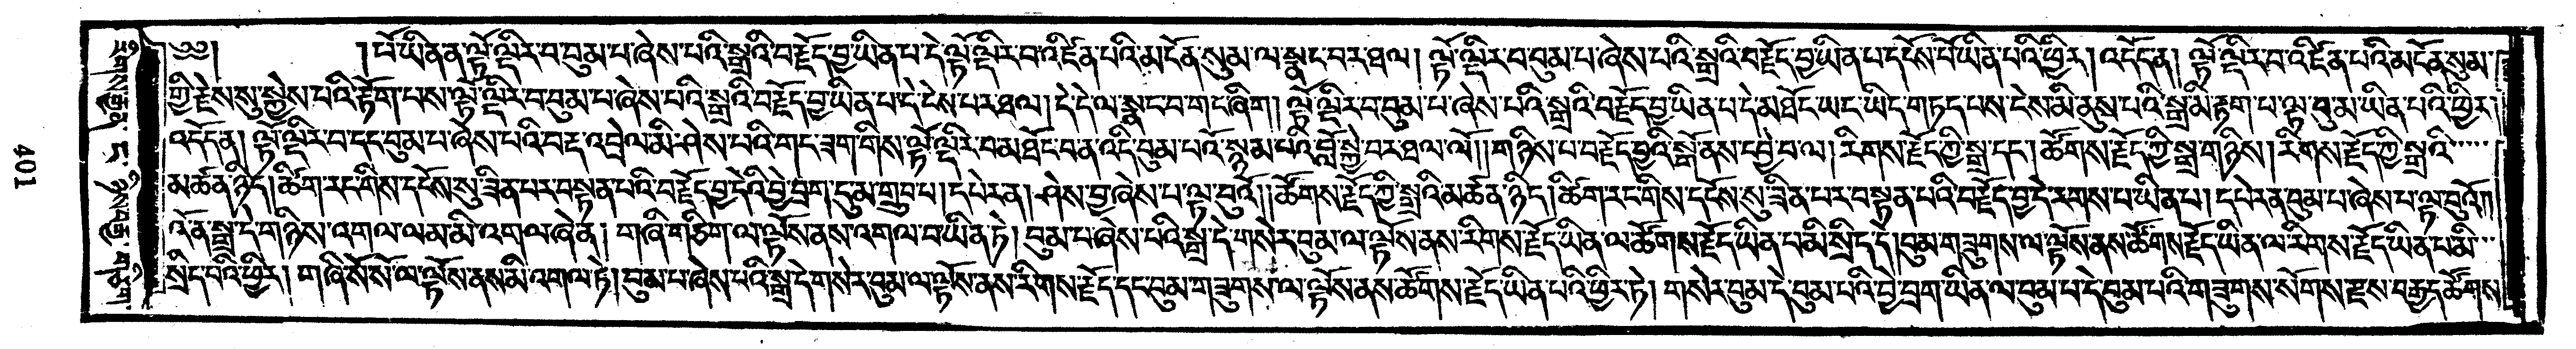༄༅། །པོ་ཡིན་ན་ལྟོ་ལྡིར་བ་བུམ་པ་ཞེས་པའི་སྒྲའི་བརྗོད་བྱ་ཡིན་པ་དེ་ལྟོ་ལྡིར་བ་འཛིན་པའི་མངོན་སུམ་ལ་སྣང་བར་ཐལ། ལྟོ་ལྡིར་བ་བུམ་པ་ཞེས་པའི་སྒྲའི་བརྗོད་བྱ་ཡིན་པ་དངོས་པོ་ཡིན་པའི་ཕྱིར། འདོད་ན། ལྟོ་ལྡིར་བ་འཛིན་པའི་མངོན་སུམ་
གྱི་རྗེས་སུ་སྐྱེས་པའི་རྟོག་པས་ལྟོ་ལྡིར་བ་བུམ་པ་ཞེས་པའི་སྒྲའི་བརྗོད་བྱ་ཡིན་པ་དེ་ངེས་པར་ཐལ། དེ་དེ་ལ་སྣང་བ་གང་ཞིག །ལྟོ་ལྡིར་བ་བུམ་པ་ཞེས་པའི་སྒྲའི་བརྗོད་བྱ་ཡིན་པ་དེ་མཐོང་ཡང་ཡིད་གཏད་པས་ངེས་མི་ནུས་པའི་སྒྲ་མི་རྟག་པ་ལྟ་བུ་མ་ཡིན་པའི་ཕྱིར།
འདོད་ན། ལྟོ་ལྡིར་བ་དང་བུམ་པ་ཞེས་པའི་བརྡ་འབྲེལ་མི་ཤེས་པའི་གང་ཟག་གིས་ལྟོ་ལྡིར་བ་མཐོང་བ་ན་འདི་བུམ་པའོ་སྙམ་པའི་བློ་སྐྱེ་བར་ཐལ་ལོ། །གཉིས་པ་བརྗོད་བྱའི་སྒོ་ནས་དབྱེ་བ་ལ། རིགས་རྗོད་ཀྱི་སྒྲ་དང་། ཚོགས་རྗོད་ཀྱི་སྒྲ་གཉིས། རིགས་རྗོད་ཀྱི་སྒྲའི་
མཚན་ཉིད། ཚིག་རང་གིས་དངོས་སུ་ཟིན་པར་བསྟན་པའི་བརྗོད་བྱ་དེའི་བྱེ་བྲག་དུ་མ་གྲུབ་པ། དཔེར་ན། ཤེས་བྱ་ཞེས་པ་ལྟ་བུའོ། །ཚོགས་རྗོད་ཀྱི་སྒྲའི་མཚན་ཉིད། ཚིག་རང་གིས་དངོས་སུ་ཟིན་པར་བསྟན་པའི་བརྗོད་བྱ་དེ་རགས་པ་ཡིན་པ། དཔེར་ན་བུམ་པ་ཞེས་པ་ལྟ་བུའོ། །
འོ་ན་སྒྲ་དེ་གཉིས་འགལ་ལམ་མི་འགལ་ཞེ་ན། གཞི་གཅིག་ལ་ལྟོས་ནས་འགལ་བ་ཡིན་ཏེ། བུམ་པ་ཞེས་པའི་སྒྲ་དེ་གསེར་བུམ་ལ་ལྟོས་ནས་རིགས་རྗོད་ཡིན་ལ་ཚོགས་རྗོད་ཡིན་པ་མི་སྲིད་དེ། བུམ་གཟུགས་ལ་ལྟོས་ནས་ཚོགས་རྗོད་ཡིན་ལ་རིགས་རྗོད་ཡིན་པ་མི་
སྲིད་པའི་ཕྱིར། གཞི་སོ་སོ་ལ་ལྟོས་ནས་མི་འགལ་ཏེ། བུམ་པ་ཞེས་པའི་སྒྲ་དེ་གསེར་བུམ་ལ་ལྟོས་ནས་རིགས་རྗོད་དང་བུམ་གཟུགས་ལ་ལྟོས་ནས་ཚོགས་རྗོད་ཡིན་པའི་ཕྱིར་ཏེ། གསེར་བུམ་དེ་བུམ་པའི་བྱེ་བྲག་ཡིན་ལ་བུམ་པ་དེ་བུམ་པའི་གཟུགས་སོགས་རྫས་བརྒྱད་ཚོགས་